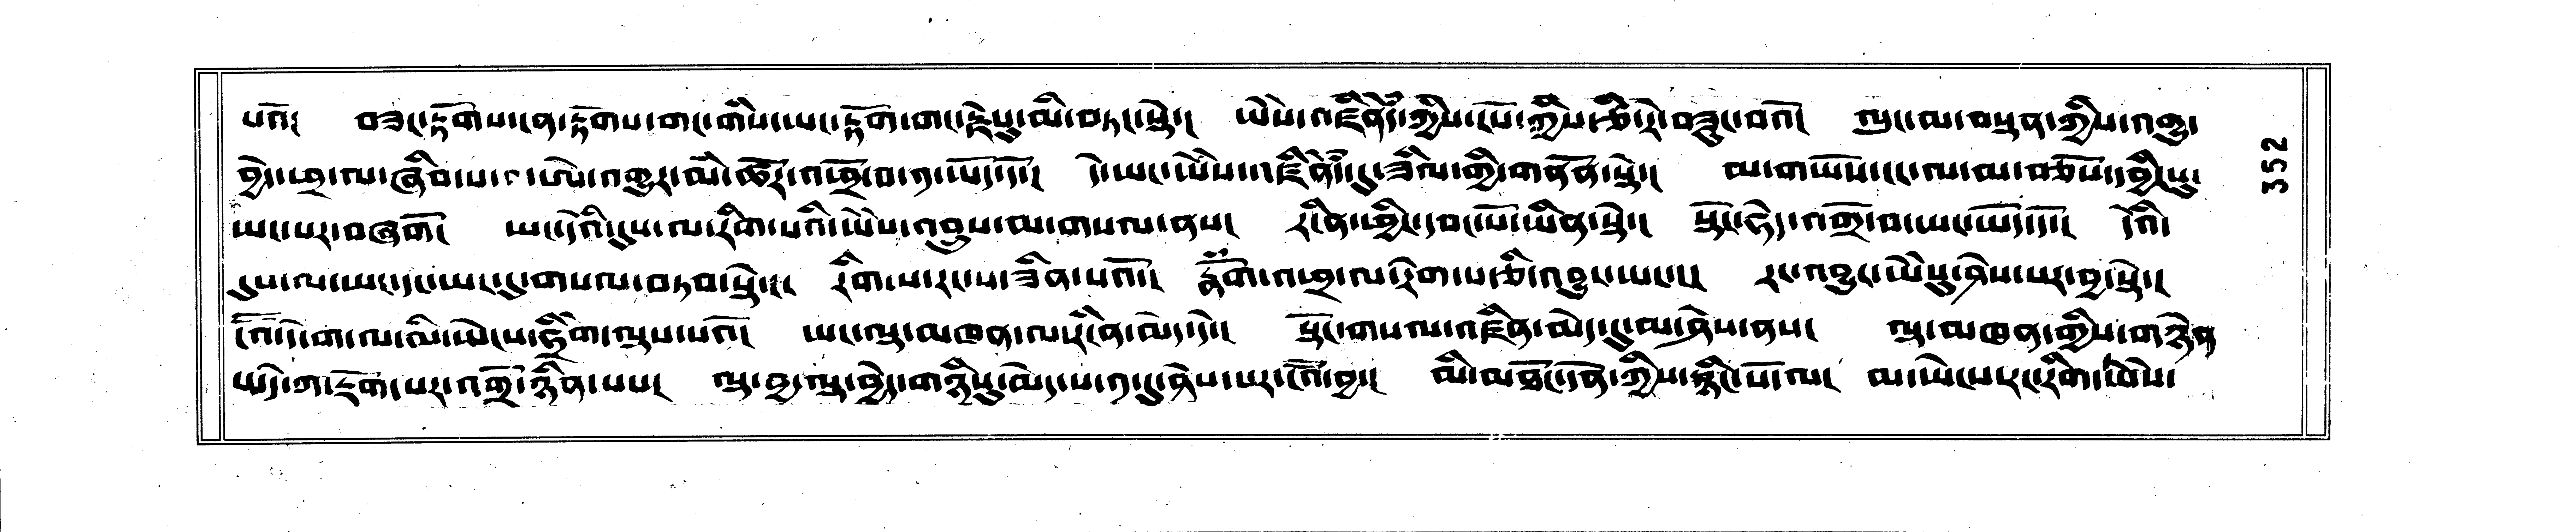པའོ། བཟང་རྟོག་ངན་རྟོག་གང་གིས་ཡང་རྗེས་སུ་མི་བཏང་སྟེ། ངོའོ་རྟོག་མེད་འཛིན་མེད་དུ་ངོས་ཀྱིས་ཙིར་ཙིར་བཟུང་པའོ། ལུང་མ་བསྟན་པའི་འགྱུ་
བྱེད་འཕྲ་ལ་ཞིབ་པ་ཅིག་ཨེ་འགྱུ་མི་ཚོར་པར་འཕྲོ་བ་ཅིག་ཡོད། དེ་ཡང་ཡེ་ཤེས་འཛིན་མེད་དུ་ཟིལ་གྱི་མནོན་ཏེ། མ་གཡོས་པའི་ངང་ལས་མ་བཅོས་དབྱིངས་སུ་
སངས་པར་བཞག་པའོ། ཡང་དེའི་དུས་ལ། རིག་པའི་ཡེ་ཤེས་འབྲས་བུར་མ་གསལ་ནས། རང་བཞིན་ཕྱིར་ན་དབང་པོ་ཡན་ཏེ། སྟོང་ཧེད་དེ་འགྲོ་བ་ཡང་ཡོད་དོ། དེའི་
དུས་ལ་ཡང་དང་ཡང་དུ་གསལ་བཏབ་སྟེ། རིག་པ་རང་ས་བཟུང་པའོ། རྣམ་རྟོག་འཕྲ་ལ་རག་པ་ཅི་བྱུང་ཡང་རང་འབྱུང་ཡེ་ཤེས་སུ་ཤེས་པར་བྱ་སྟེ། 
ངོའོ་དེ་ཀ་ལ་མི་ཡེངས་པར་ཧྲིག་གེ་ལྟ་བའོ། ཡང་ལྟ་མཁན་ལ་རང་བཞིན་མེད་སྟེ། གསལ་སྟོང་འཛིན་མེད་དུ་མ་ཤེས་ན། ལྟ་མཁན་གྱིས་གཉེན་
པོ་དེ་ཀ་རྟོག་པར་འགྲོ་ཉེན་ཡོད་པས། ལྟ་བྱ་ལྟ་བྱེད་གཉིས་སུ་མེད་པར་ཅིག་དུ་ཤེས་པར་བྱ། མི་མཐོང་དོན་གྱིས་སྙིང་པོ་ལ། མི་ཡེངས་རང་རིག་ཡེ་ཤེས་